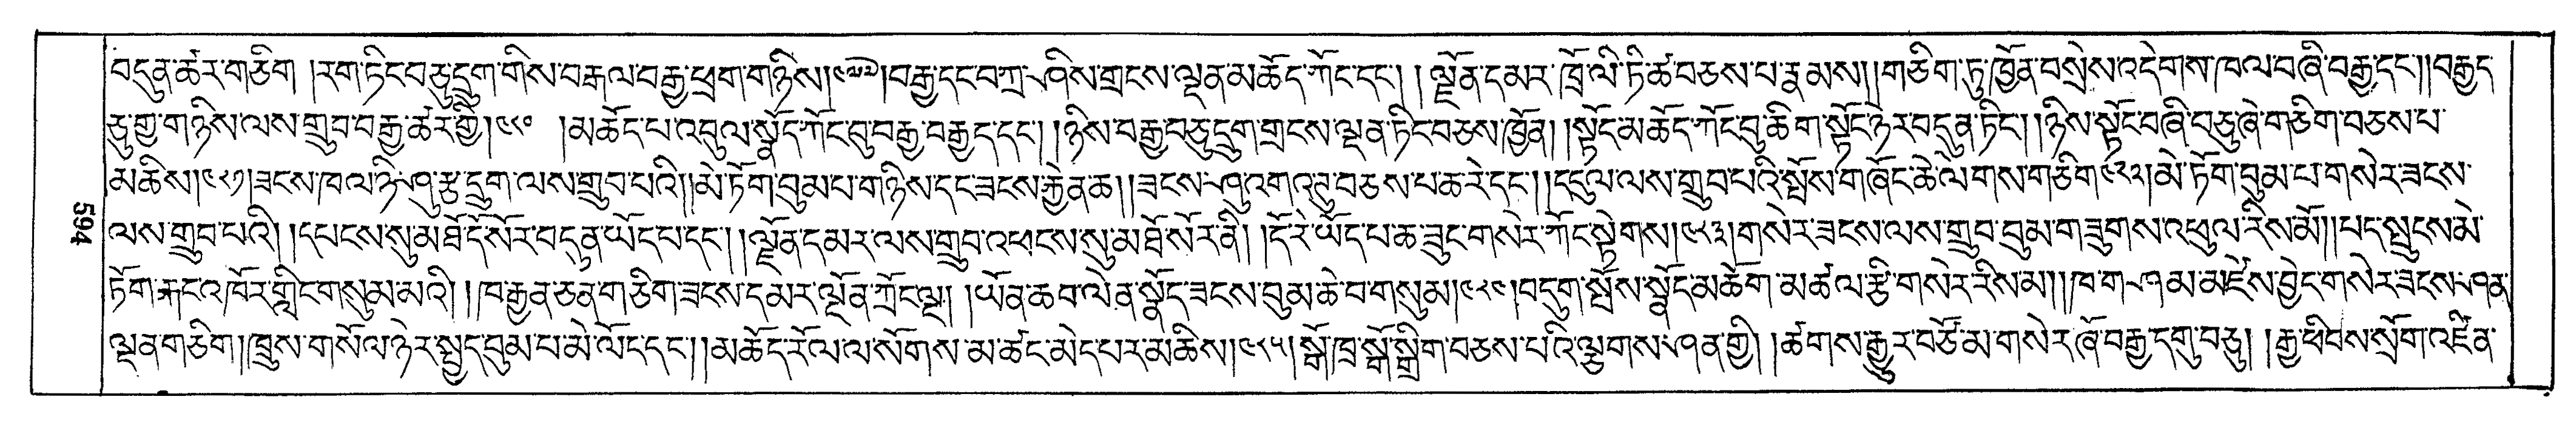བདུན་ཚར་གཅིག །རག་ཏིང་བཅུ་དྲུག་གིས་བརྒལ་བརྒྱ་ཕྲག་གཉིས། ༤༧༧་།བརྒྱ་དང་བཀྲ་ཤིས་གྲངས་ལྡན་མཆོད་ཀོང་དང་། །ལྗོན་དམར་ཁྲོ་ལི་ཏི་ཚ་བཅས་པ་རྣམས། །གཅིག་ཏུ་ཁྱོན་བསྲེས་འདེགས་ཁལ་བཞི་བརྒྱ་དང་། །བརྒྱད་
ཅུ་གྱ་གཉིས་ལས་གྲུབ་བརྒྱ་ཚར་གྱི། ༤༨༠་།མཆོད་པ་འབུལ་སྣོད་ཀོང་བུ་བརྒྱ་བརྒྱད་དང་། །ཉིས་བརྒྱ་བཅུ་དྲུག་གྲངས་ལྡན་ཏིང་བཅས་ཁྱོན། །སྟོང་མཆོད་ཀོང་བུ་ཆིག་སྟོང་ཉེར་བདུན་ཏིང་། །ཉིས་སྟོང་བཞི་བཅུ་ཞེ་གཅིག་བཅས་པ་
མཆིས། ༤༨༡་།ཟངས་ཁལ་ཉི་ཤུ་རྩ་དྲུག་ལས་གྲུབ་པའི། །མེ་ཏོག་བུམ་པ་གཉིས་དང་ཟངས་རྐྱེན་ཆ། །ཟངས་ཤུ་འགའ་ཊུ་བཅས་པ་ཆ་རེ་དང་། །དངུལ་ལས་གྲུབ་པའི་སྤོས་གཞོད་ཆེ་ལེགས་གཅིག ༤༨༢་།མེ་ཏོག་བུམ་པ་གསེར་ཟངས་
ལས་གྲུབ་པའི། །དཔངས་སུ་མཐོ་ངོ་སོར་བདུན་ཡོད་པ་དང་། །ལྗོན་དམར་ལས་གྲུབ་འཕངས་སུ་མཐོ་སོར་ནི། །དོ་རེ་ཡོད་པ་ཆ་ཟུང་གསེར་ཀོང་སྟེགས། ༤༨༣་།གསེར་ཟངས་ལས་གྲུབ་བུམ་གཟུགས་འཕུལ་རིས་མ། །པད་སྤུངས་མེ་
ཏོག་རྐང་འཁོར་གླིང་གསུམ་མའི། །ཁ་རྒྱན་ཅན་གཅིག་ཟངས་དམར་ལྔོན་ཀྲོང་ལྔ། །ཡོན་ཆབ་ལེན་སྣོད་ཟངས་བུམ་ཆེ་བ་གསུམ། ༤༨༤་།བདུག་སྤོས་སྣོད་མཆོག་མཚལ་རྩི་གསེར་རིས་མ། །ཁ་གཤམ་མཛེས་བྱེད་གསེར་ཟངས་ཤན་
ལྡན་གཅིག །ཁྲུས་གསོལ་ཉེར་སྤྱད་བུམ་པ་མེ་ལོང་དང་། །མཆོད་རོལ་ལ་སོགས་མ་ཚང་མེད་པར་མཆིས། ༤༨༥་།སྒོ་ཁྲ་སྒོ་སྒྲིག་བཅས་བའི་ལྕགས་ཤན་གྱི། །ཚགས་རྒྱུར་བཙོམ་གསེར་ཞོ་བརྒྱ་དགུ་བཅུ་།རྒྱ་ཕིབས་སྲོག་འཛིན་